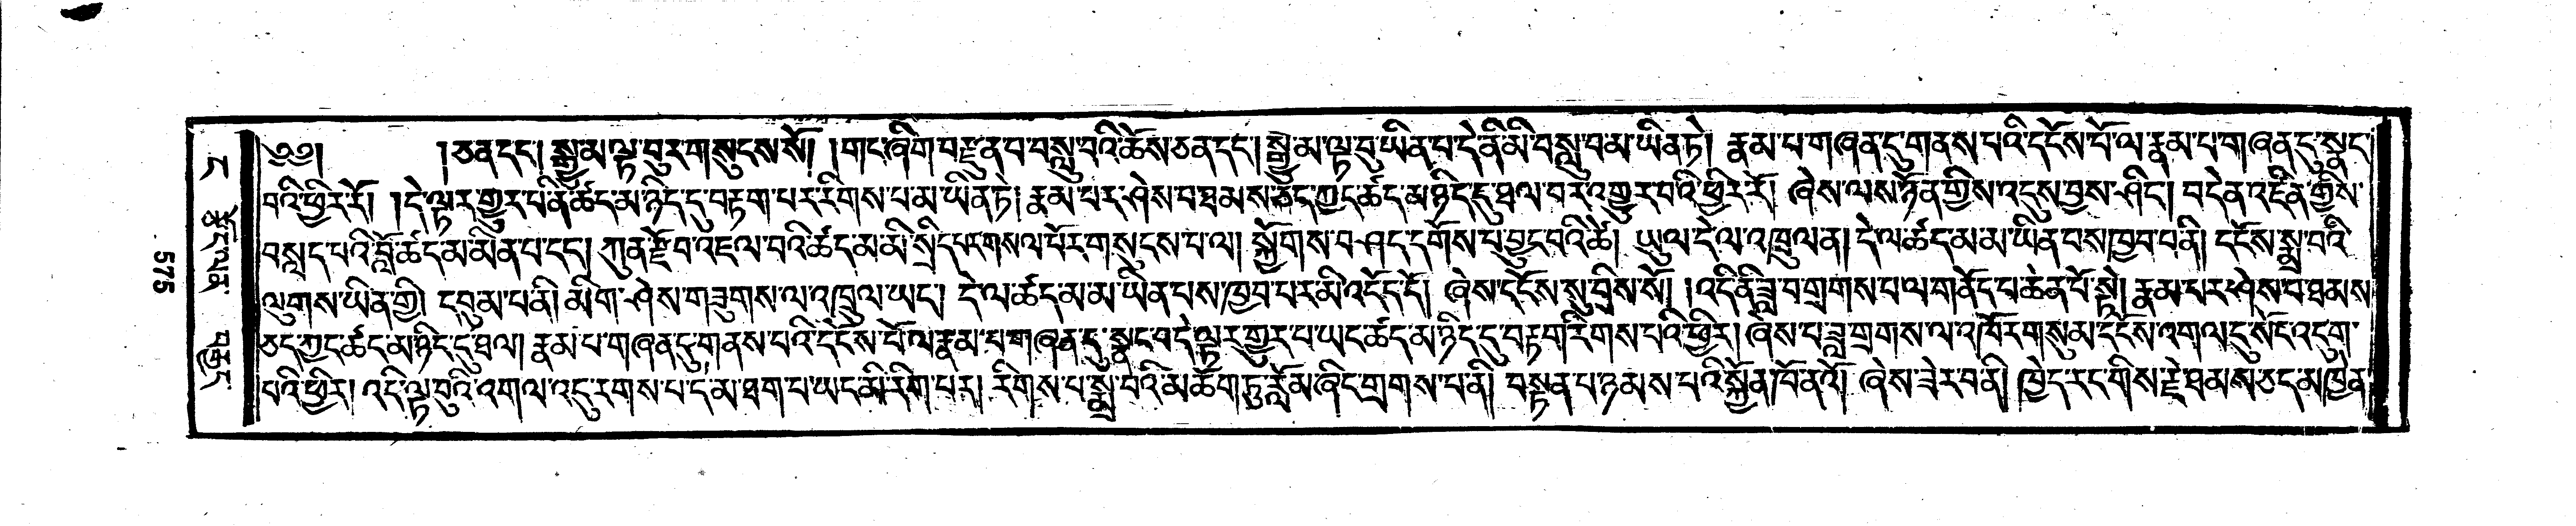༄༅། །ཅན་དང་། སྒྱུ་མ་ལྟ་བུར་གསུངས་སོ། །གང་ཞིག་བརྫུན་པ་བསླུ་བའི་ཆོས་ཅན་དང་། སྒྱུ་མ་ལྟ་བུ་ཡིན་པ་དེ་ནི་མི་བསླུ་བ་མ་ཡིན་ཏེ། རྣམ་པ་གཞན་དུ་གནས་པའི་དངོས་པོ་ལ་རྣམ་པ་གཞན་དུ་སང་
བའི་ཕྱིར་རོ། །དེ་ལྟར་གྱུར་པ་ནི་ཚད་མ་ཉིད་དུ་བརྟག་པར་རིགས་པ་མ་ཡིན་ཏེ། རྣམ་པར་ཤེས་པ་ཐམས་ཅད་ཀྱང་ཚད་མ་ཉིད་དུ་ཐལ་བར་འགྱུར་བའི་ཕྱིར་རོ། ཞེས་ལས་ཉོན་གྱིས་འདུས་བྱས་ཤིང་། བདེན་འཛིན་གྱིས་
བསླད་པའི་བློ་ཚད་མ་མིན་པ་དང་། ཀུན་རྫོབ་འཇལ་བའི་ཚད་མ་མི་སྲིད་པར་གསལ་པོར་གསུངས་པ་ལ། སྐྱོགས་བཤད་དགོས་པ་བྱུང་ཌྦའི་ཚེ། ཡུལ་དེ་ལ་འཁྲུལ་ན། དེ་ལ་ཚད་མ་མ་ཡིན་པས་ཁྱབ་པ་ནི། དངོས་སྨྲ་བའི་
ལུགས་ཡིན་གྱི་།དབུ་མ་པ་ནི། མིག་ཤེས་གཟུགས་ལ་འཁྲུལ་ཡང་། དེ་ལ་ཚད་མ་མ་ཡིན་པས་ཁྱབ་པར་མི་འདོད་དེ། ཞེས་དངོས་སུ་བྲིས་སོ། །འདི་ནི་ཟླ་བ་གྲགས་པ་ལ་གནོད་པ་ཆེན་པོ་སྟེ། རྣམ་པར་ཤེས་པ་ཐམས་
ཅད་ཀྱང་ཚད་མ་ཉིད་དུ་ཐལ། རྣམ་པ་གཞན་དུ་གནས་པའི་དངོས་པོ་ལ་རྣམ་པ་གཞན་དུ་སྣང་བ་དེ་ལྟར་གྱུར་པ་ཡང་ཚད་མ་ཉིད་དུ་བརྟག་རིགས་པའི་ཕྱིར། ཞེས་པ་ཟླ་གྲགས་ལ་འཁོར་གསུམ་དངོས་འགལ་དུ་སོང་འདུག་
པའི་ཕྱིར། འདི་ལྟ་བུའི་འགལ་འདུ་རགས་པ་དེ་མ་ཐག་པ་ཡང་མི་རིག་པར། རིགས་པ་སྨྲ་བའི་མཆོག་ཏུ་རློམ་ཞིང་གྲགས་པ་ནི། བསྟན་པ་ཉམས་པའི་སྐྱོན་ཁོ་ནའོ། ཞེས་ཟེར་བ་ནི། ཁྱེད་རང་གིས་རྗེ་ཐམས་ཅད་མཁྱེན་